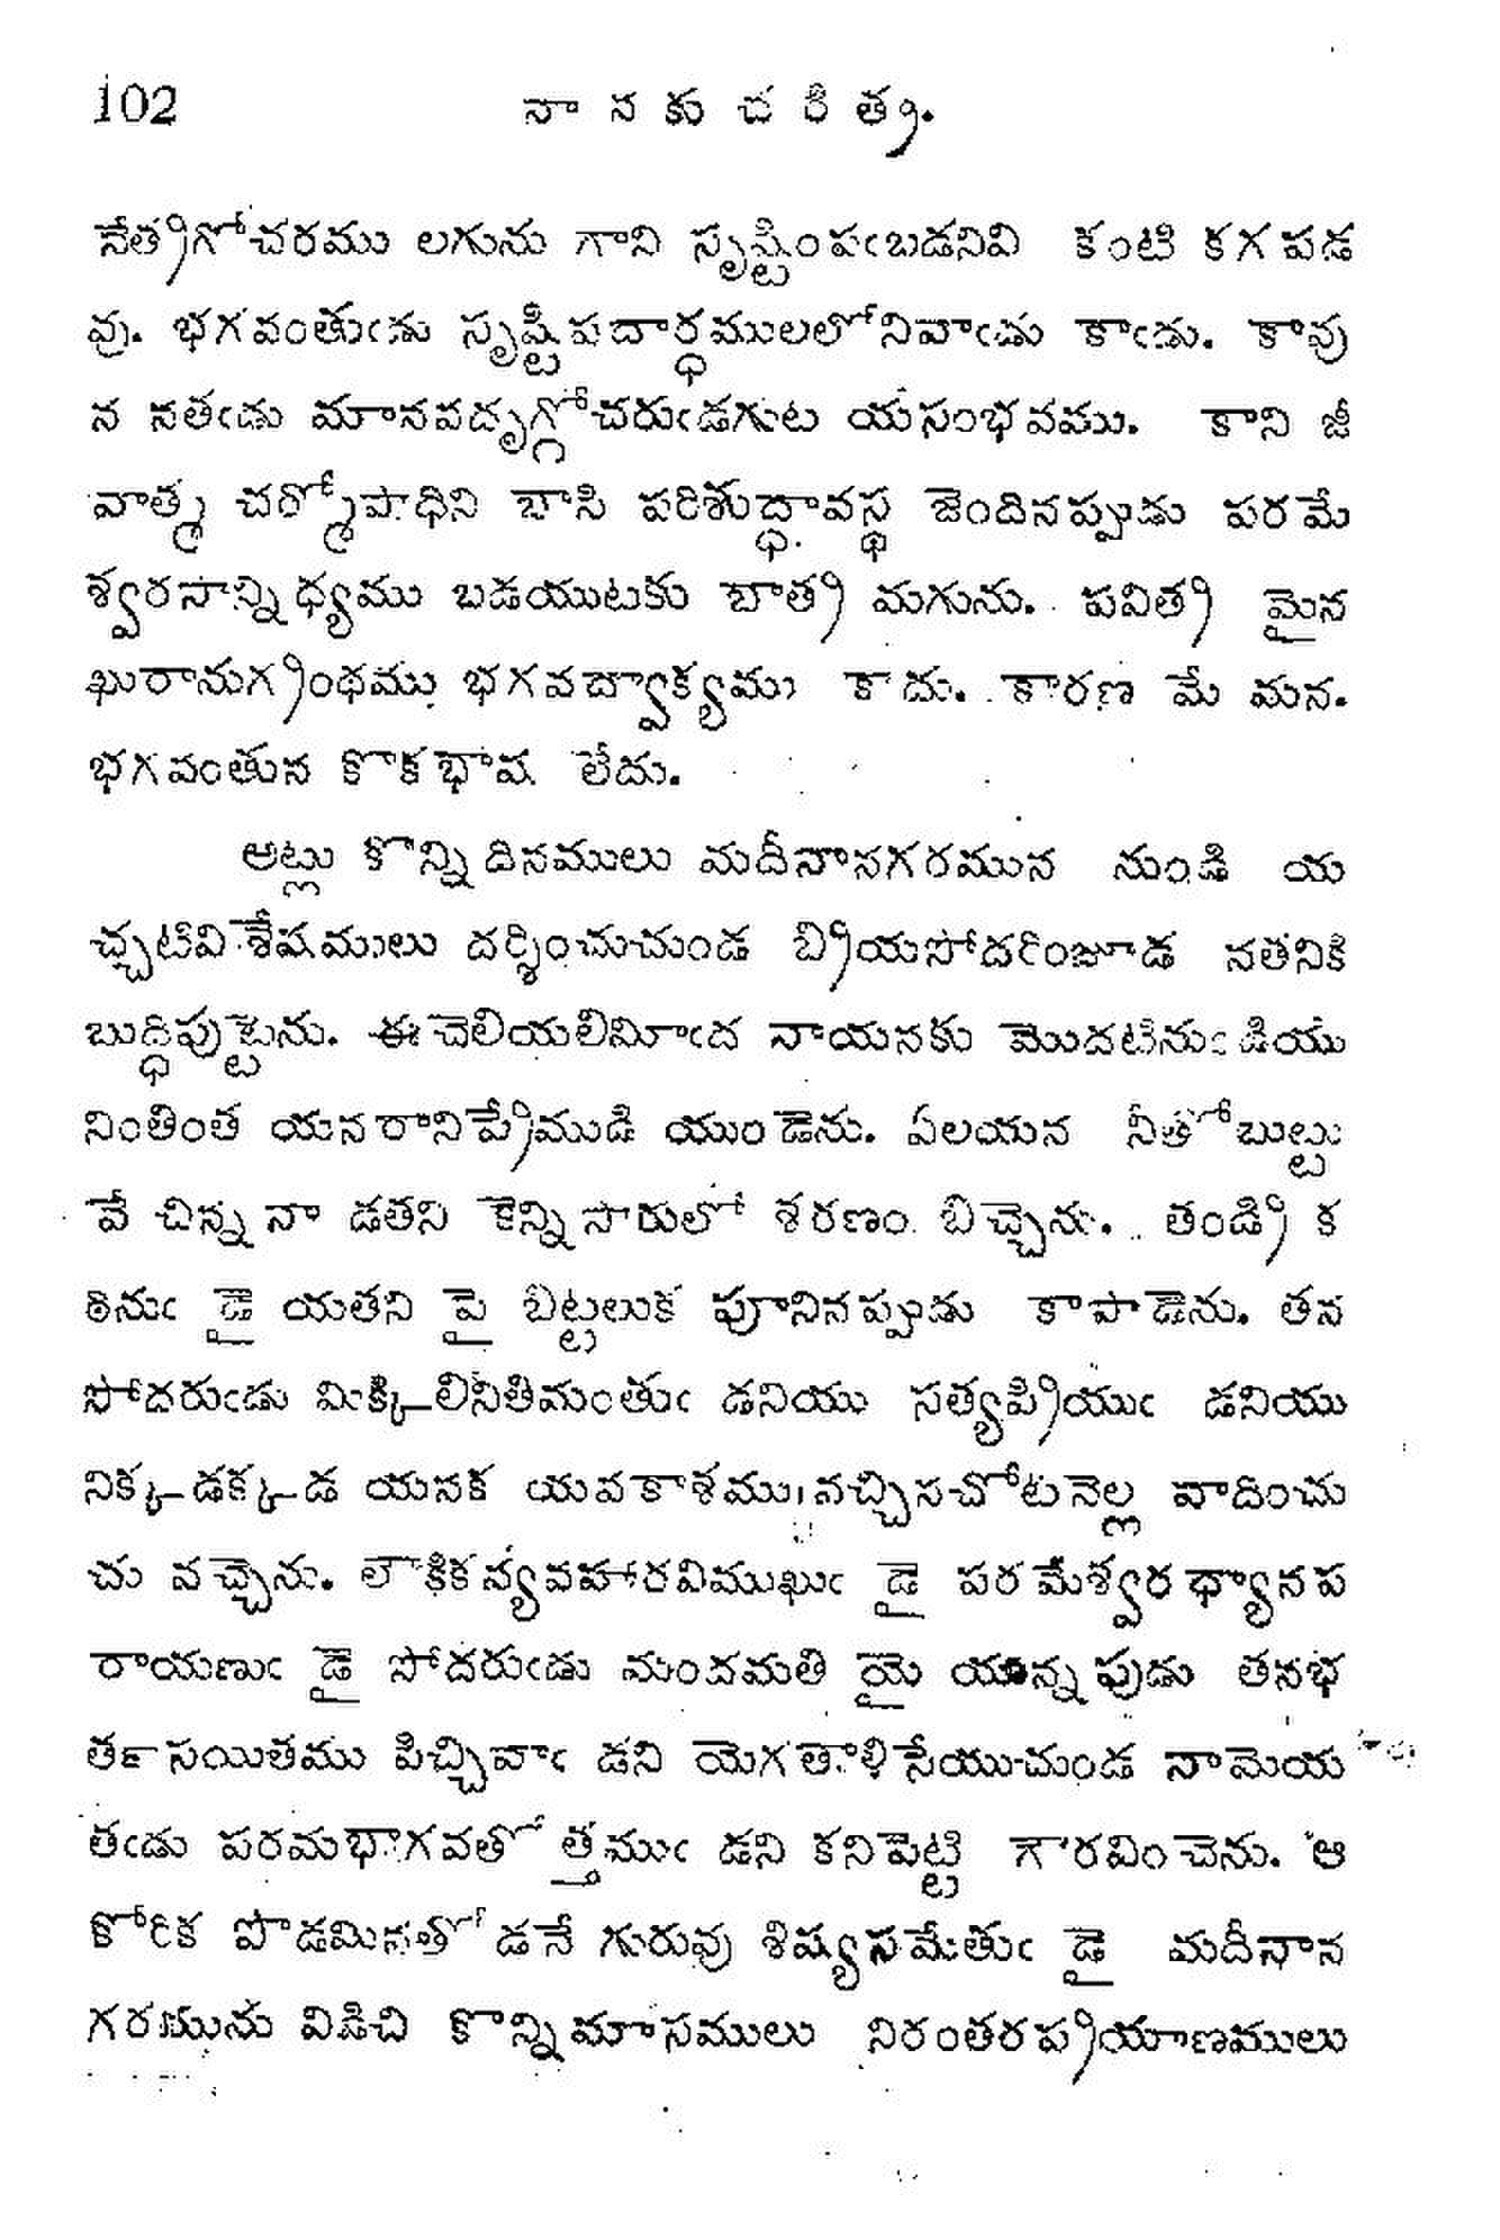నేత్రగోచారము లగును గాని సృష్టింపబడనివి. కంటి కగపడవు. భగవంతుడు సృష్టిపదార్థములలోనివాడు కాడు. కావున నతడు మానవదృగ్గోచరుడగుట యసంభవము. కాని జీవాత్మ చర్మోపాధిని బాసి పరిశుద్ధావస్థ జెందినప్పుడు పరమేశ్వరసాన్నిధ్యము బడయుటకు బాత్ర మగును. పవిత్ర మైన ఖురానుగ్రంథము భగవద్వాక్యము కాదు. కారణ మే మన భగవంతున కొకభాష లేదు.

అట్లు కొన్నిదినములు మదీనానగరమున నుండి యచ్చటివిశేషములు దర్శించుచుండ బ్రియసోదరింజూడ నతనికి బుద్ధిపుట్టెను. ఈచెలియలిమీద నాయనకు మొదటినుండియు నింతింత యనరానిప్రేముడి యుండెను. ఏలయన నీతోబుట్టువే చిన్ననా డతని కెన్నిసారులో శరణం బిచ్చెను. తంద్రి కఠిను డై యతని పై బిట్టలుక పూనినప్పుడు కాపాడెను. తన సోదరుడు మిక్కిలినీతిమంతు డనియు సత్యప్రియు డనియు నిక్కడక్కడ యనక యవకాశము వచ్చినచోటనెల్ల వాదించుచు వచ్చెను. లౌకికవ్యవహారవిముఖు డై పరమేశ్వరధ్యానపరాయణుడై సోదరుడు మందమతి యై యున్నపుడు తనభతన్‌సయితము పిచ్చివా డని యెగతాళిసేయుచుండ నామెయతడు పరమభాగవతోత్తము డని కనిపెట్టి గౌరవించెను. ఆకోరిక పొడమినతోడనే గురువు శిష్యసమేతుడై మదీనానగరమును విడిచి కొన్నిమాసములు నిరంతరప్రయాణములు